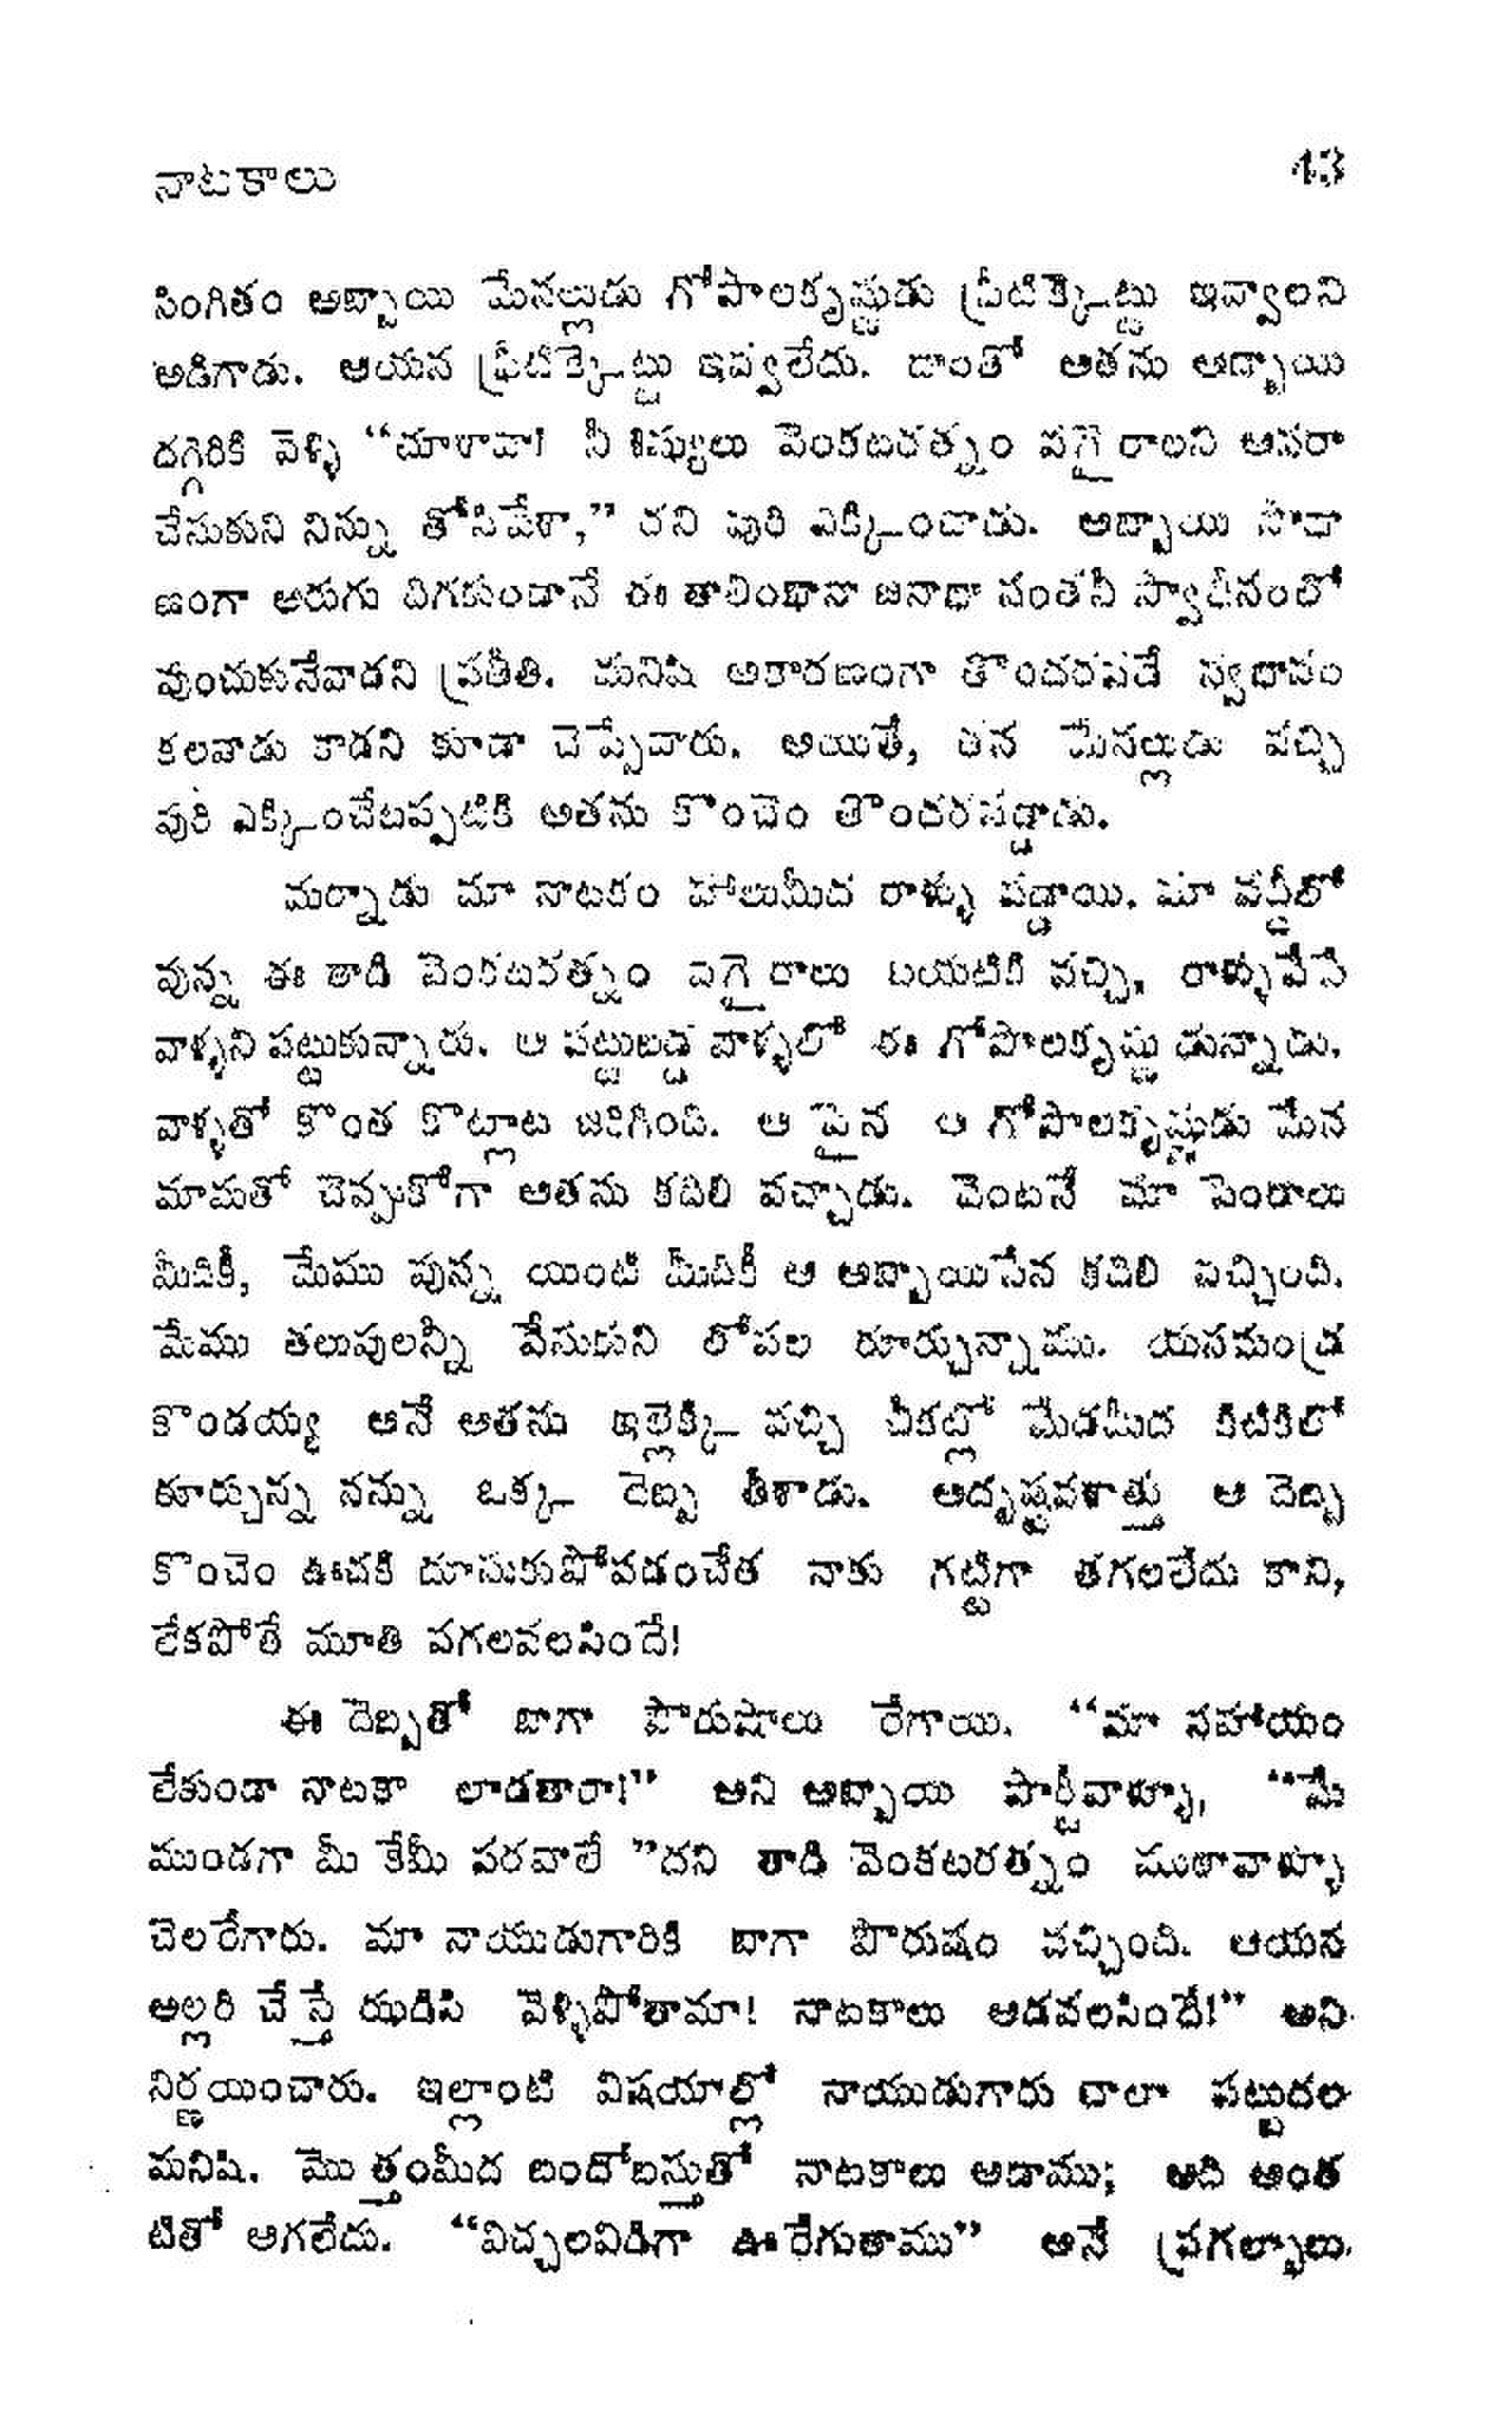సింగితం అబ్బాయి మేనల్లుడు గోపాలకృష్ణుడు ఫ్రీటిక్కెట్టు ఇవ్వాలని అడిగాడు. ఆయన ఫ్రీటిక్కెట్టు ఇవ్వలేదు. దాంతో అతను అబ్బాయి దగ్గిరికి వెళ్ళి "చూశావా! నీ శిష్యులు వెంకటరత్నం వగైరాలని అసరా చేసుకుని నిన్ను తోసివేశా,"రని పురి ఎక్కించాడు. అబ్బాయి సాధారణంగా అరుగు దిగకుండానే ఈ తాలింఖానా జనాభా నంతనీ స్వాధీనంలో వుంచుకునేవాడని ప్రతీతి. మనిషి అకారణంగా తొందరపడే స్వభావం కలవాడు కాడని కూడా చెప్పేవారు. అయితే, తన మేనల్లుడు వచ్చి పురి ఎక్కించేటప్పటికి అతను కొంచెం తొందరపడ్డాడు.

మర్నాడు మా నాటకం హాలుమీద రాళ్ళు పడ్డాయి. మా వద్దీలో వున్న ఈ తాడి వెంకటరత్నం వగైరాలు బయటికి వచ్చి, రాళ్ళువేసే వాళ్ళని పట్టుకున్నారు. ఆ పట్టుపడ్డ వాళ్ళలో ఈ గోపాలకృష్ణుడున్నాడు. వాళ్ళతో కొంత కొట్లాట జరిగింది. ఆ పైన ఆ గోపాలకృష్ణుడు మేనమామతో చెప్పుకోగా అతను కదిలి వచ్చాడు. వెంటనే మా పెండాలు మీదికి, మేము వున్న యింటి మీదికీ ఆ అబ్బాయిసేన కదిలి వచ్చింది. మేము తలుపులన్నీ వేసుకుని లోపల కూర్చున్నాము. యనమండ్ర కొండయ్య అనే అతను ఇల్లెక్కి వచ్చి చీకట్లో మేడమీద కిటికిలో కూర్చున్న నన్ను ఒక్క దెబ్బ తీశాడు. అదృష్టవశాత్తు ఆ దెబ్బ కొంచెం ఊచకి దూసుకుపోవడంచేత నాకు గట్టిగా తగలలేదు కాని, లేకపోతే మూతి పగలవలసిందే!

ఈ దెబ్బతో బాగా పౌరుషాలు రేగాయి. "మా సహాయం లేకుండా నాటకా లాడతారా!" అని అబ్బాయి పార్టీవాళ్ళూ, "మే ముండగా మీ కేమీ పరవాలే"దని తాడి వెంకటరత్నం ముఠావాళ్ళూ చెలరేగారు. మా నాయుడుగారికి బాగా పౌరుషం వచ్చింది. ఆయన అల్లరి చేస్తే ఝడిసి వెళ్ళిపోతామా! నాటకాలు ఆడవలసిందే!" అని నిర్ణయించారు. ఇల్లాంటి విషయాల్లో నాయుడుగారు చాలా పట్టుదల మనిషి. మొత్తంమీద బందోబస్తుతో నాటకాలు ఆడాము; అది అంతటితో ఆగలేదు. "విచ్చలవిడిగా ఊరేగుతాము" అనే ప్రగల్బాలు